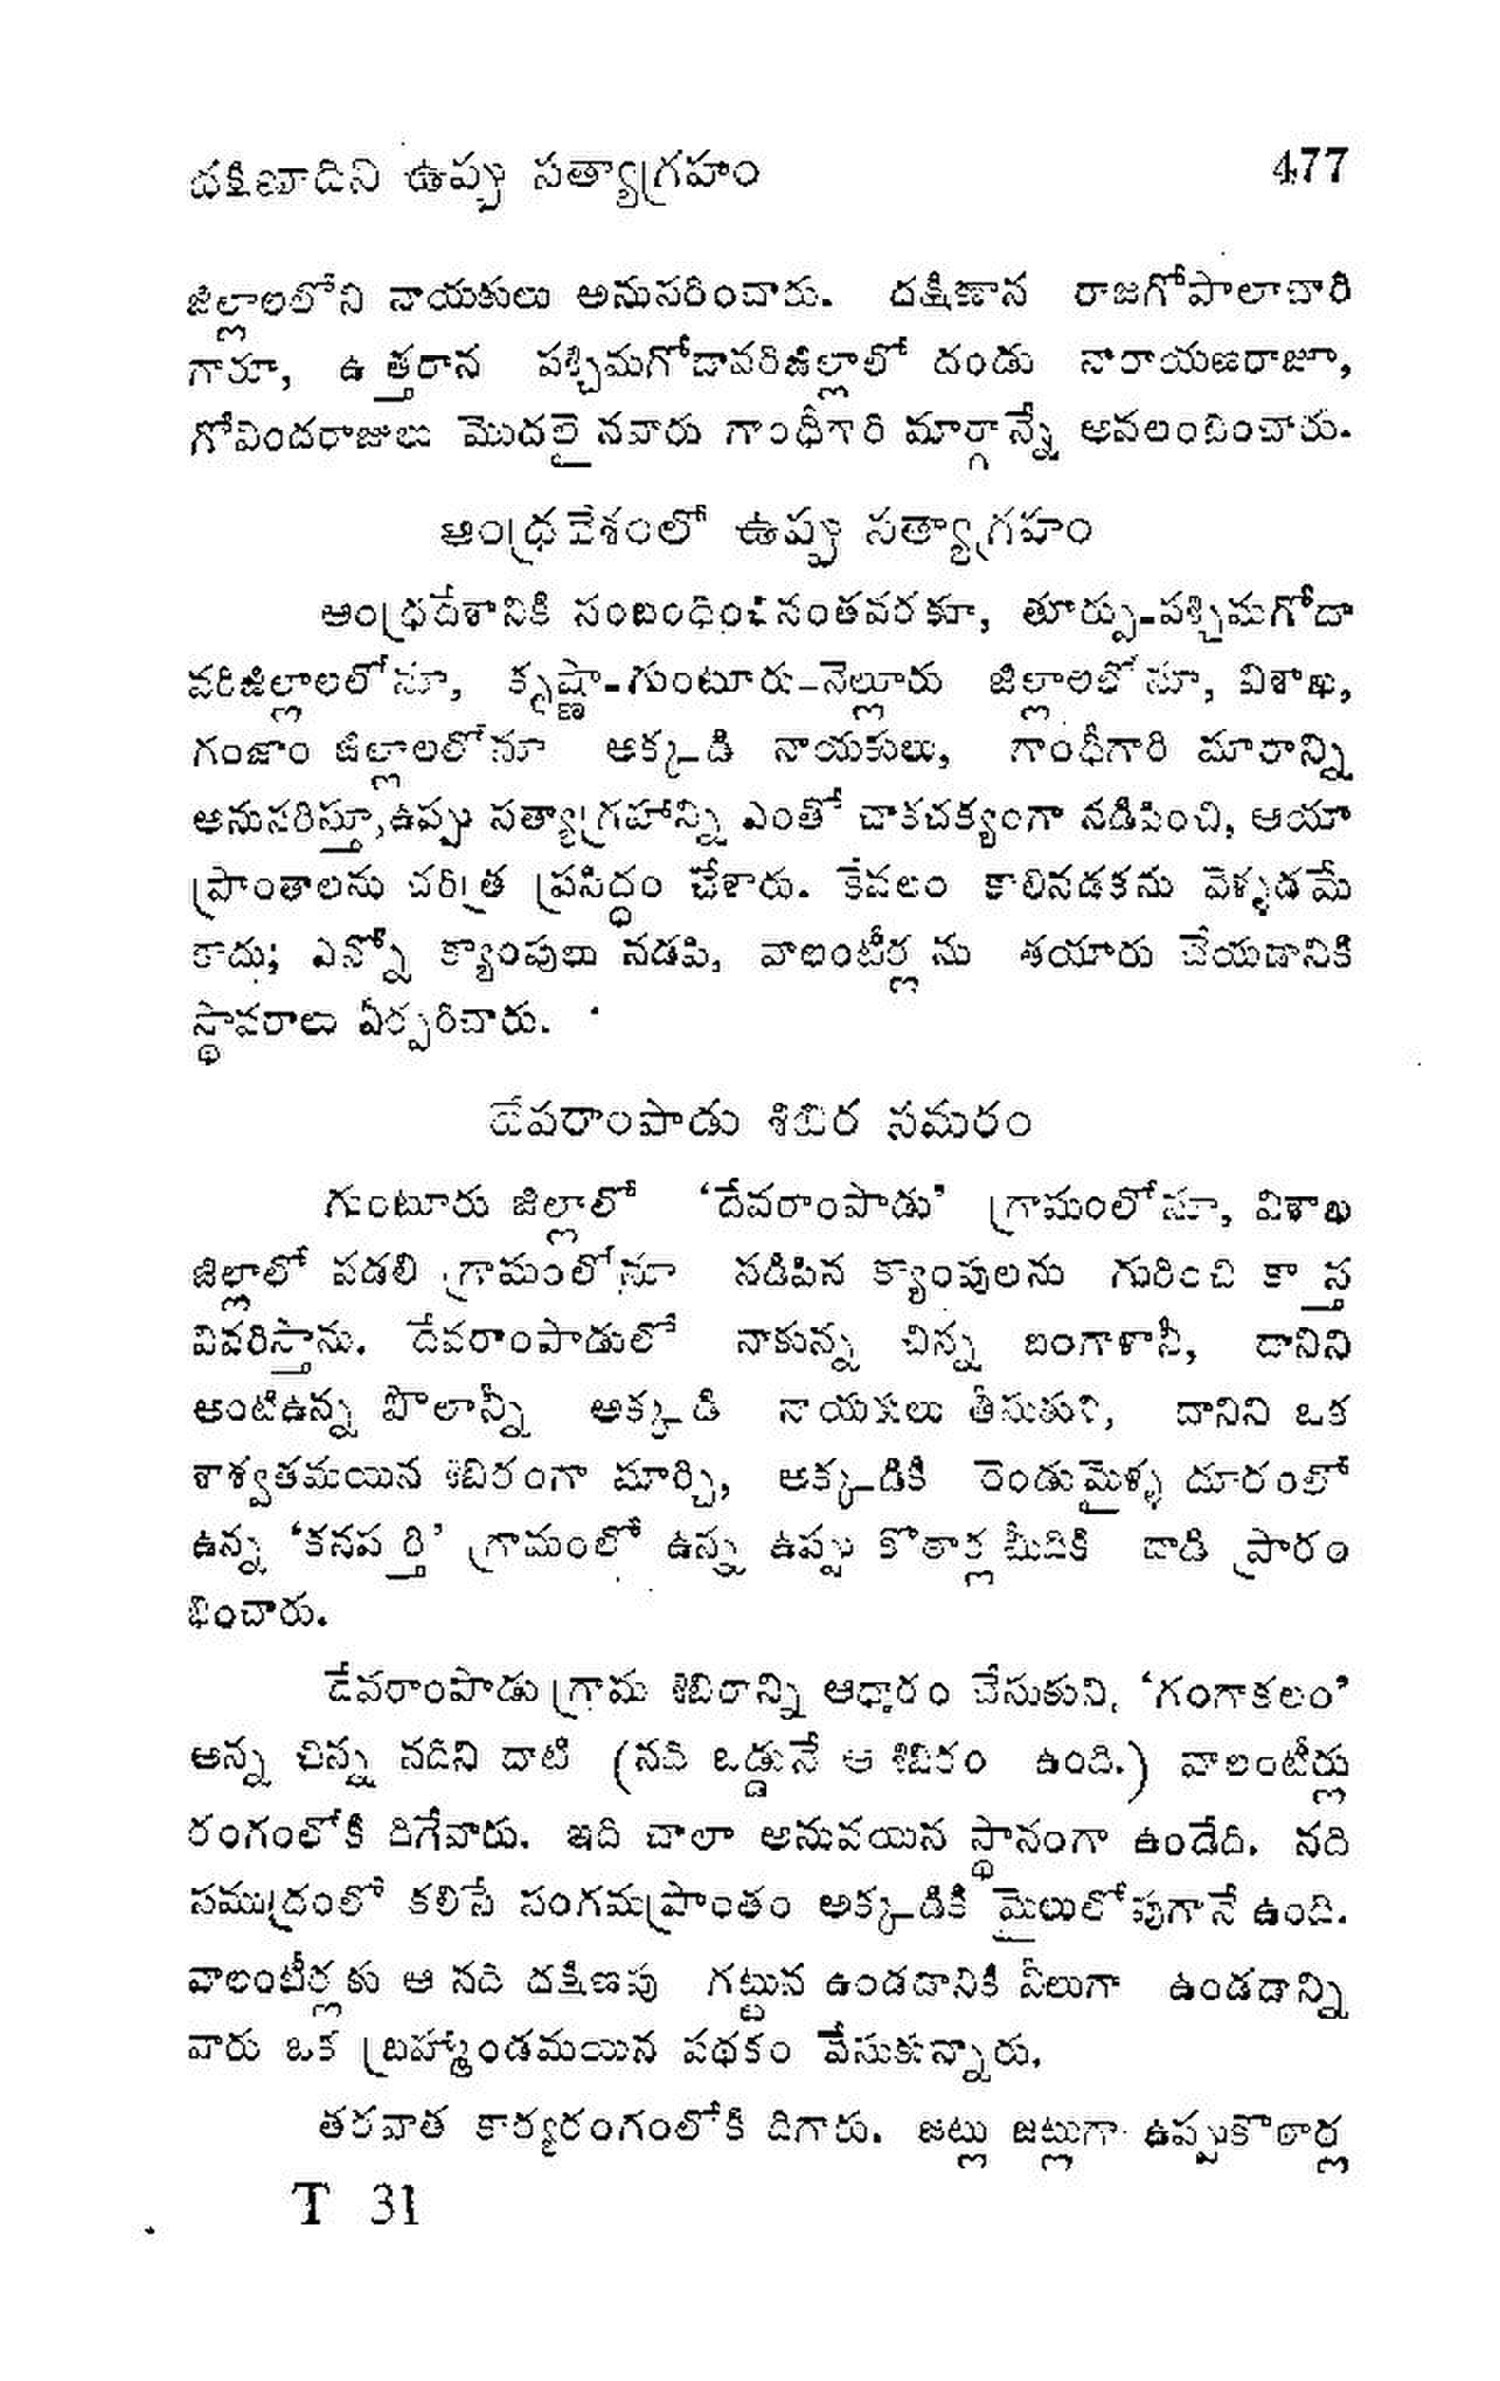జిల్లాలలోని నాయకులు అనుసరించారు. దక్షిణాన రాజగోపాలాచారిగారూ, ఉత్తరాన పశ్చిమగోదావరిజిల్లాలో దండు నారయణరాజూ, గోవిందరాజులు మొదలైనవారు గాంధీగారి మార్గాన్నే అవలంబించారు.

ఆంధ్రదేశానికి సంబంధించినంతవరకూ, తూర్పు - పశ్చిమగోదావరిజిల్లాలలోనూ, కృష్ణా - గుంటూరు - నెల్లూరు జిల్లాలలోనూ, విశాఖ, గంజాం జిల్లాలలోనూ అక్కడి నాయకులు, గాంధీగారి మారాన్ని అనుసరిస్తూ, ఉప్పు సత్యాగ్రహాన్ని ఎంతో చాకచక్యంగా నడిపించి, ఆయాప్రాంతాలను చరిత్ర ప్రసిద్ధం చేశారు. కేవలం కాలినడకను వెళ్ళడమే కాదు; ఎన్నో క్యాంపులు నడపి, వాలంటీర్లను తయారు చేయడానికి స్థావరాలు ఏర్పరిచారు.

గుంటూరు జిల్లాలో 'దేవరాంపాడు' గ్రామంలోనూ, విశాఖ జిల్లాలో వడలి గ్రామంలోనూ నడిపిన క్యాంపులను గురించి కాస్త వివరిస్తాను. దేవరాంపాడులో నాకున్న చిన్న బంగాళానీ, దానిని అంటిఉన్న పొలాన్నీ అక్కడి నాయకులు తీసుకుని, దానిని ఒక శాశ్వతమయిన శిబిరంగా మార్చి, అక్కడికి రెండుమైళ్ళ దూరంలో ఉన్న 'కనపర్తి' గ్రామంలో ఉన్న ఉప్పు కొఠార్లమీదికి దాడి ప్రారంభించారు.

దేవరాంపాడు గ్రామ శిబిరాన్ని ఆధారం చేసుకుని, 'గంగాకలం' అన్న చిన్న నదిని దాటి (నది ఒడ్డునే ఆ శిబిరం ఉంది) వాలంటీర్లు రంగంలోకి దిగేవారు. ఇది చాలా అనువయిన స్థానంగా ఉండేది. నది సముద్రంలో కలిసే సంగమప్రాంతం అక్కడికి మైలులోపుగానే ఉంది. వాలంటీర్లకు ఆ నది దక్షిణపు గట్టున ఉండడానికి వీలుగా ఉండడాన్ని వారు ఒక బ్రహ్మాండమయిన పథకం వేసుకున్నారు. 

తరవాత కార్యరంగంలోకి దిగారు. జట్లు జట్లుగా ఉప్పుకొఠార్ల